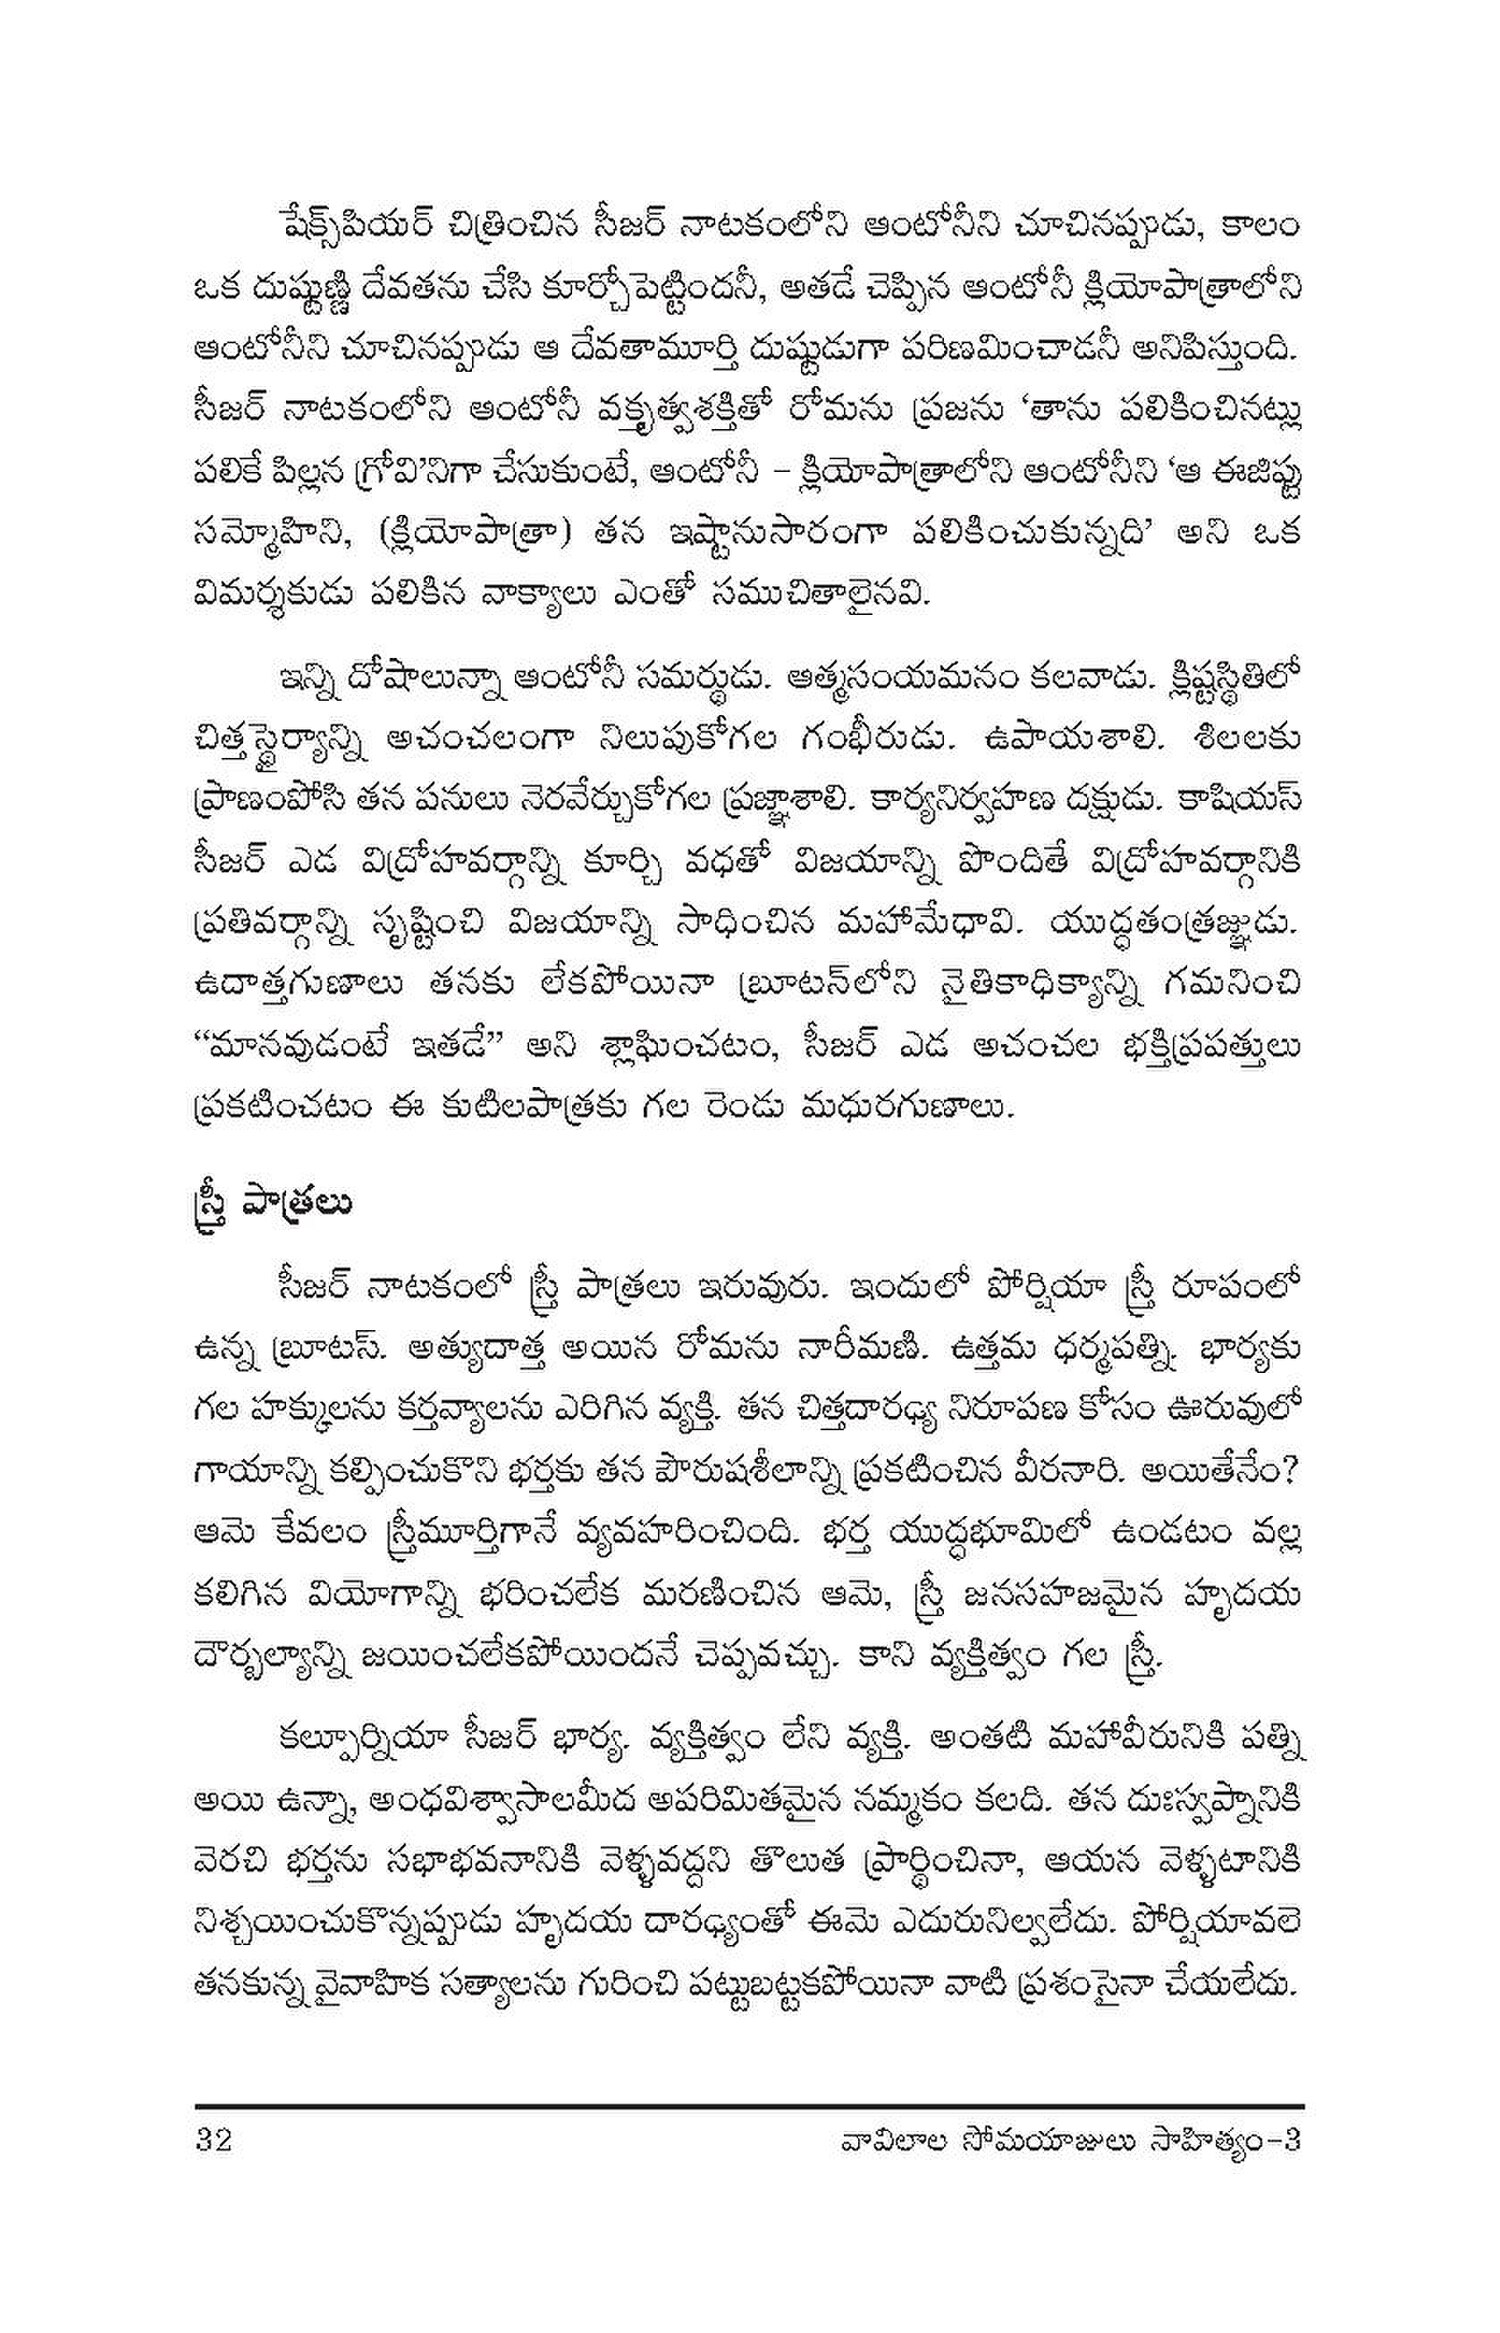షేక్స్ పియర్ చిత్రించిన సీజర్ నాటకంలోని ఆంటోనీని చూచినప్పుడు, కాలం ఒక దుష్టుణ్ణి దేవతను చేసి కూర్చో పెట్టిందనీ, అతడే చెప్పిన ఆంటోనీ క్లియోపాత్రాలోని ఆంటోనీని చూచినప్పుడు ఆ దేవతామూర్తి దుష్టుడుగా పరిణమించాడనీ అనిపిస్తుంది. సీజర్ నాటకంలోని ఆంటోనీ వకృత్వశక్తితో రోమను ప్రజను 'తాను పలికించినట్లు పలికే పిల్లన గ్రోవి’నిగా చేసుకుంటే, ఆంటోనీ - క్లియోపాత్రాలోని ఆంటోనీని 'ఆ ఈజిప్టు సమ్మోహిని, (క్లియోపాత్రా) తన ఇష్టానుసారంగా పలికించుకున్నది' అని ఒక విమర్శకుడు పలికిన వాక్యాలు ఎంతో సముచితాలైనవి.

ఇన్ని దోషాలున్నా ఆంటోనీ సమర్థుడు. ఆత్మసంయమనం కలవాడు. క్లిష్టస్థితిలో చిత్త స్థైర్యాన్ని అచంచలంగా నిలుపుకోగల గంభీరుడు. ఉపాయశాలి. శిలలకు ప్రాణంపోసి తన పనులు నెరవేర్చుకోగల ప్రజ్ఞాశాలి. కార్యనిర్వహణ దక్షుడు. కాషియస్
సీజర్ ఎడ విద్రోహవర్గాన్ని కూర్చి వధతో విజయాన్ని పొందితే విద్రోహవర్గానికి ప్రతివర్గాన్ని సృష్టించి విజయాన్ని సాధించిన మహామేధావి. యుద్ధతంత్రజ్ఞుడు. ఉదాత్తగుణాలు తనకు లేకపోయినా బ్రూటన్లోని నైతికాధిక్యాన్ని గమనించి "మానవుడంటే ఇతడే” అని శ్లాఘించటం, సీజర్ ఎడ అచంచల భక్తిప్రపత్తులు ప్రకటించటం ఈ కుటిలపాత్రకు గల రెండు మధురగుణాలు.

సీజర్ నాటకంలో స్త్రీ పాత్రలు ఇరువురు. ఇందులో పోర్షియా స్త్రీ రూపంలో ఉన్న బ్రూటస్. అత్యుదాత్త అయిన రోమను నారీమణి. ఉత్తమ ధర్మపత్ని. భార్యకు గల హక్కులను కర్తవ్యాలను ఎరిగిన వ్యక్తి. తన చిత్తదారఢ్యా నిరూపణ కోసం ఊరువులో గాయాన్ని కల్పించుకొని భర్తకు తన పౌరుషశీలాన్ని ప్రకటించిన వీరనారి. అయితేనేం? ఆమె కేవలం స్త్రీమూర్తిగానే వ్యవహరించింది. భర్త యుద్ధభూమిలో ఉండటం వల్ల కలిగిన వియోగాన్ని భరించలేక మరణించిన ఆమె, స్త్రీ జనసహజమైన హృదయ దౌర్బల్యాన్ని జయించలేకపోయిందనే చెప్పవచ్చు. కాని వ్యక్తిత్వం గల స్త్రీ.

కల్పూర్నియా సీజర్ భార్య. వ్యక్తిత్వం లేని వ్యక్తి. అంతటి మహావీరునికి పత్ని అయి ఉన్నా, అంధవిశ్వాసాలమీద అపరిమితమైన నమ్మకం కలది. తన దుఃస్వప్నానికి వెరచి భర్తను సభాభవనానికి వెళ్ళవద్దని తొలుత ప్రార్థించినా, ఆయన వెళ్ళటానికి నిశ్చయించుకొన్నప్పుడు హృదయ దారణ్యంతో ఈమె ఎదురునిల్వలేదు. పోర్షియావలె తనకున్న వైవాహిక సత్యాలను గురించి పట్టుబట్టకపోయినా వాటి ప్రశంసైనా చేయలేదు.